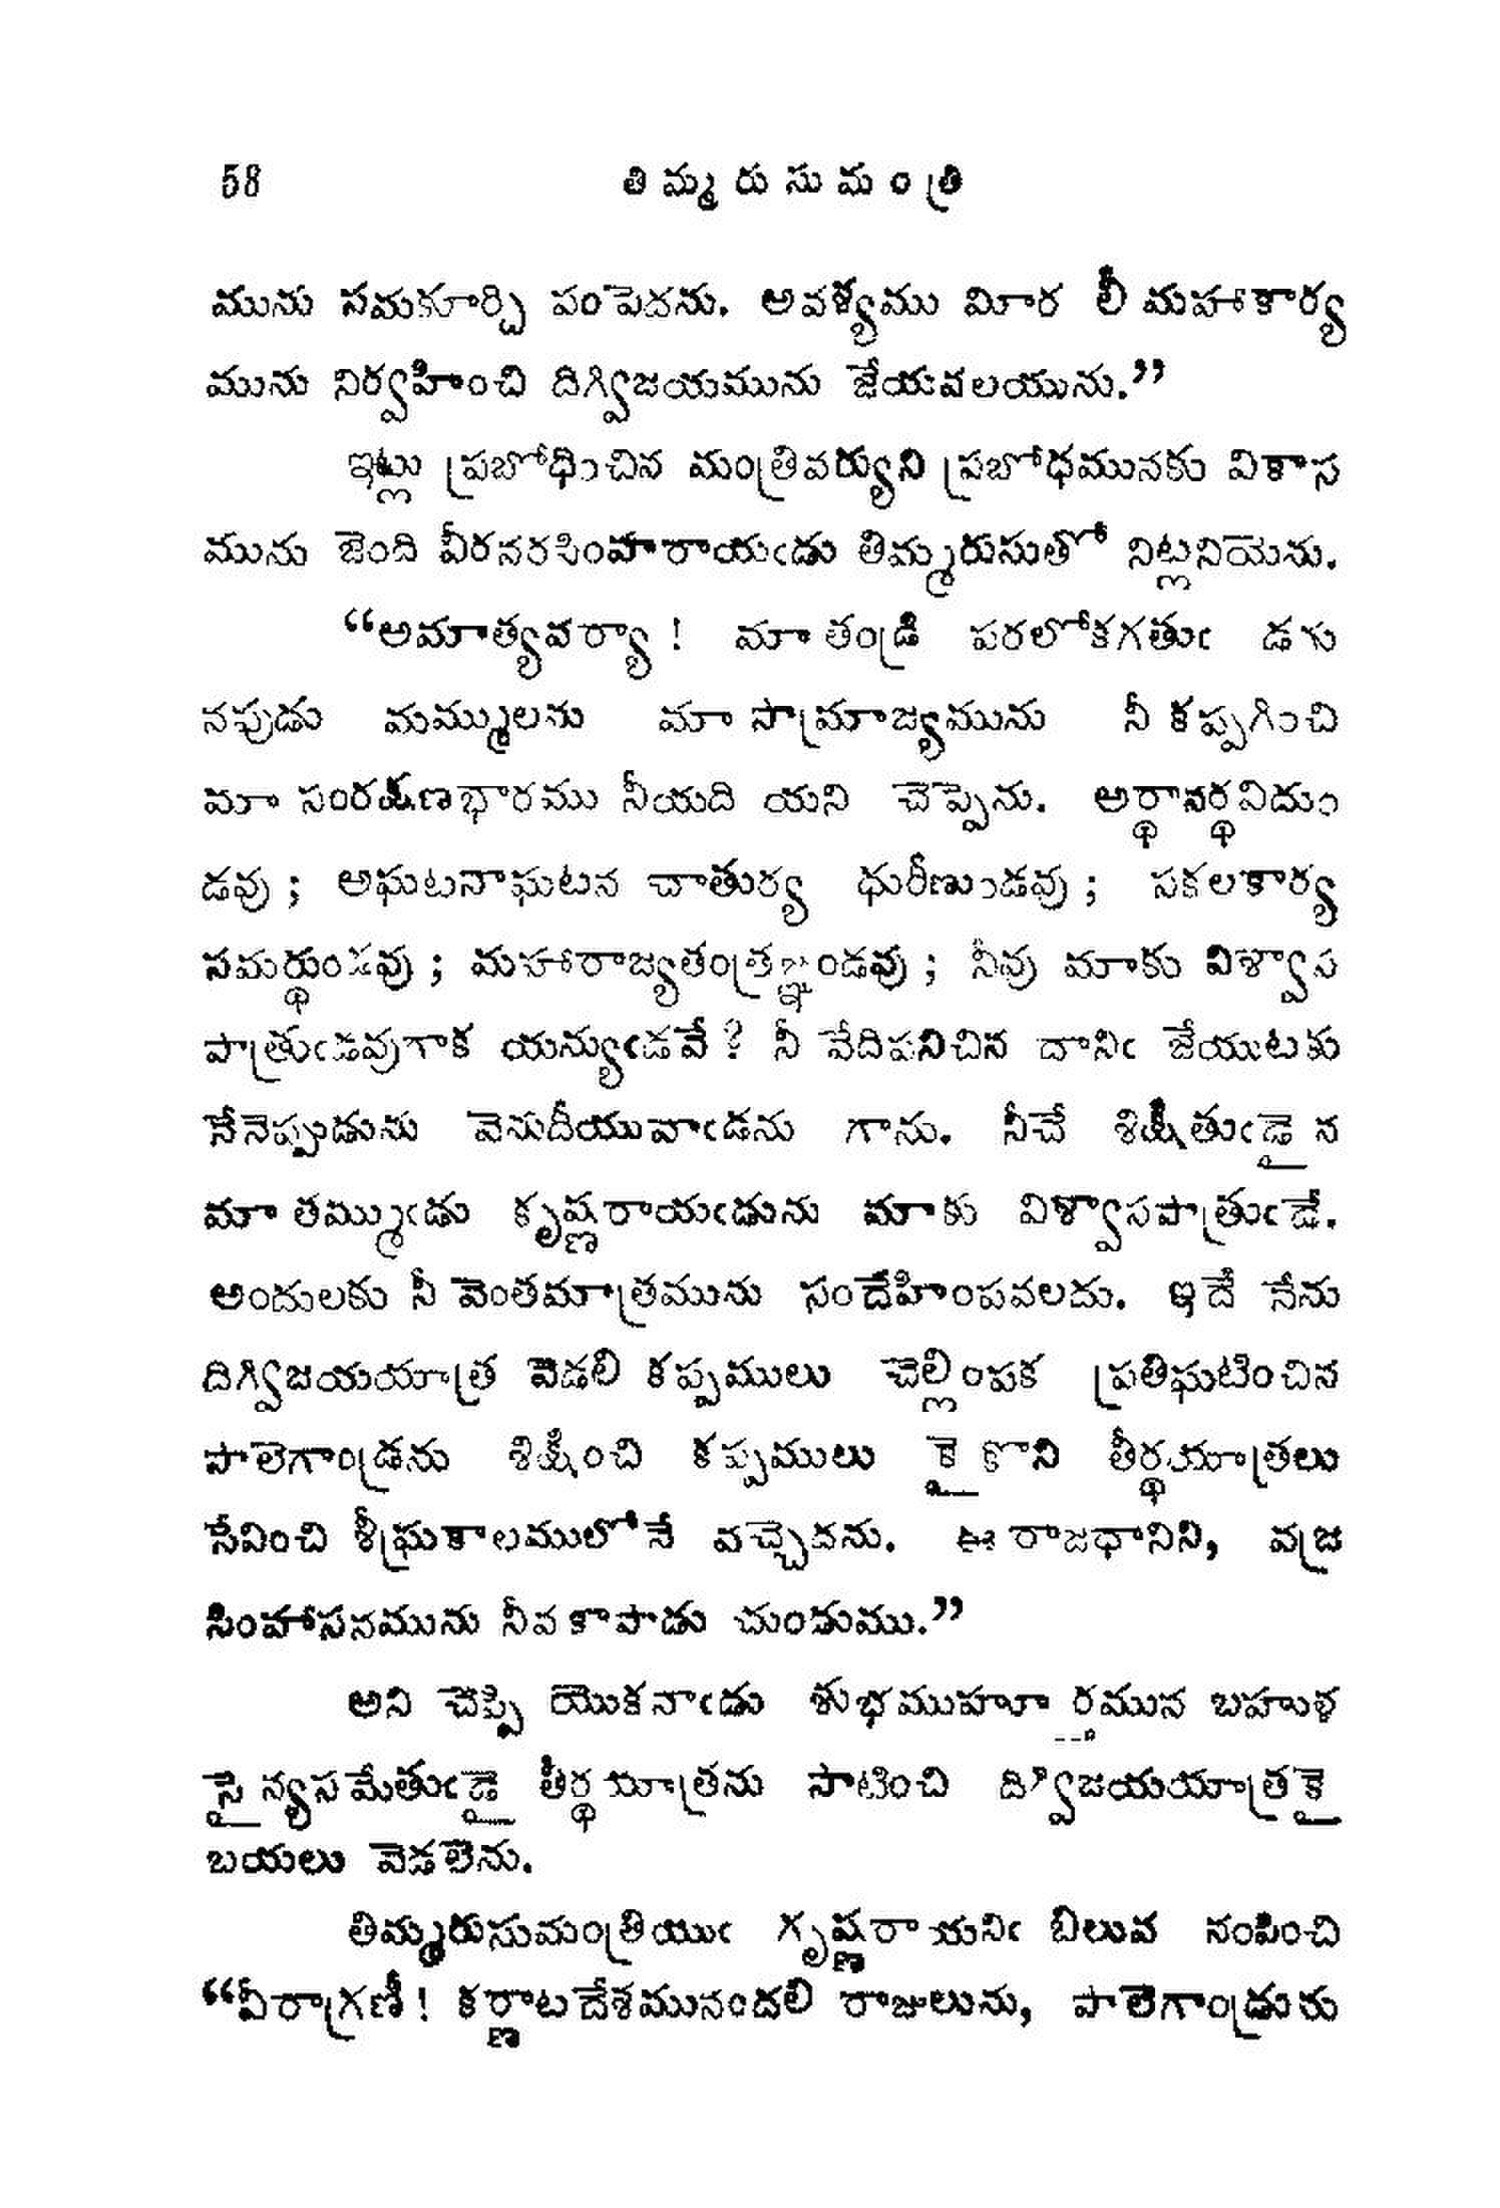మును సమకూర్చి పంపెదను. అవశ్యము మీర లీమహాకార్యమును నిర్వహించి దిగ్విజయమును జేయవలయును.”

ఇట్లు ప్రబోధించిన మంత్రివర్యుని ప్రబోధమునకు వికాసమును జెంది వీరనరసింహరాయఁడు తిమ్మరుసుతో నిట్లనియెను.

"అమాత్యవర్యా! మాతండ్రి పరలోకగతుఁ డగునపుడు మమ్ములను మా సామ్రాజ్యమును నీకప్పగించి మా సంరక్షణభారము నీయది యని చెప్పెను. అర్దానర్థవిదుండవు ; అఘటనాఘటన చాతుర్య ధురీణుండవు ; సకలకార్య సమర్థుండవు ; మహారాజ్యతంత్రజ్ఞుండవు ; నీవు మాకు విశ్వాసపాత్రుఁడవుగాక యన్యుఁడవే ? నీ వేదిపనిచిన దానిఁ జేయుటకు నేనెప్పుడును వెనుదీయువాఁడను గాను. నీచే శిక్షితుఁడైన మా తమ్ముఁడు కృష్ణరాయఁడును మాకు విశ్వాసపాత్రుఁడే. అందులకు నీ వెంతమాత్రమును సందేహింపవలదు. ఇదే నేను దిగ్విజయయాత్ర వెడలి కప్పములు చెల్లింపక ప్రతిఘటించిన పాలెగాండ్రను శిక్షించి కప్పములు కైకొని తీర్థయాత్రలు సేవించి శీఘ్రకాలములోనే వచ్చెదను. ఈరాజధానిని, వజ్ర సింహాసనమును నీవకాపాడు చుండుము.”

అని చెప్పి యొకనాఁడు శుభముహూర్తమున బహుళ సైన్యసమేతుఁడై తీర్థయాత్రను సాటించి దిగ్విజయయాత్రకై బయలు వెడలెను. 

తిమ్మరుసుమంత్రియుఁ గృష్ణరాయనిఁ బిలువ నంపించి “వీరాగ్రణీ! కర్ణాటదేశమునందలి రాజులును, పాలెగాండ్రును